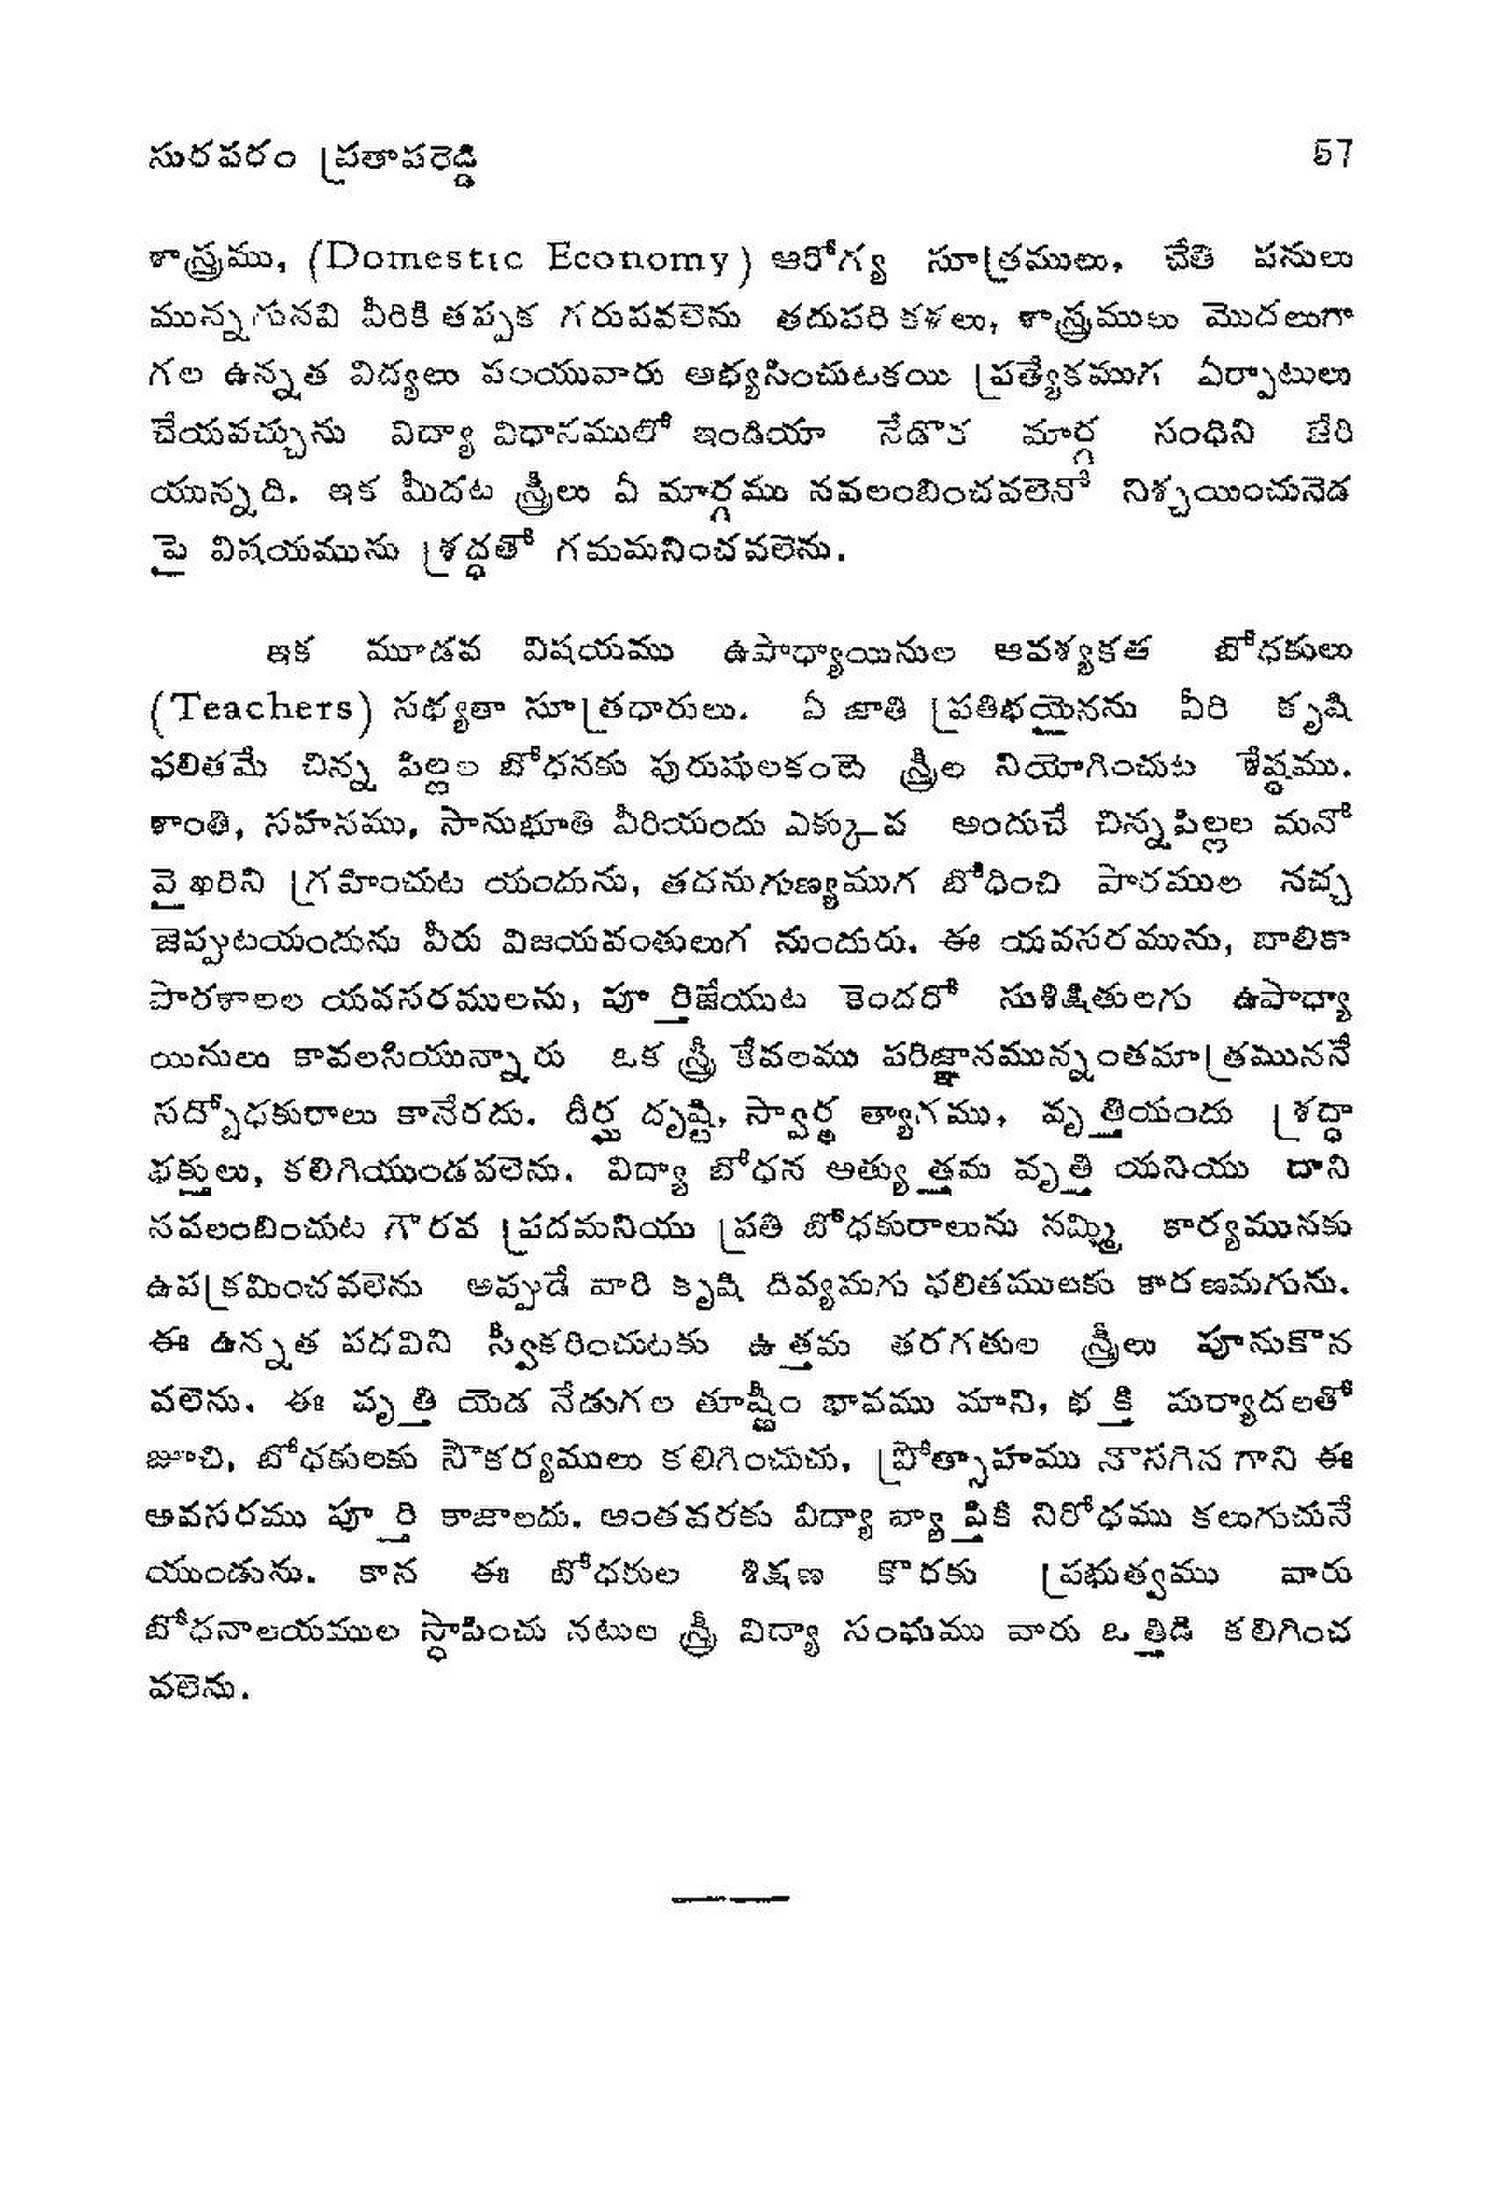శాస్త్రము, (Domestic Economy) ఆరోగ్య సూత్రములు, చేతి పనులు మున్నగునవి వీరికి తప్పక గరుపవలెను తదుపరి కళలు, శాస్త్రములు మొదలుగా గల ఉన్నత విద్యలు వలయువారు అభ్యసించుటకయి ప్రత్యేకముగ ఏర్పాటులు చేయవచ్చును విద్యా విధానములో ఇండియా నేడొక మార్గ సంధిని జేరి యున్నది. ఇక మీదట స్త్రీలు ఏ మార్గము నవలంబించవలెనో నిశ్చయించునెడ పై విషయమును శ్రద్ధతో గమమనించవలెను.

ఇక మూడవ విషయము ఉపాధ్యాయినుల ఆవశ్యకత బోధకులు (Teachers) సభ్యతా సూత్రధారులు. ఏ జాతి ప్రతిభయైనను వీరి కృషి ఫలితమే చిన్న పిల్లల బోధనకు పురుషులకంటె స్త్రీల నియోగించుట శ్రేష్ఠము. శాంతి, సహనము, సానుభూతి వీరియందు ఎక్కువ అందుచే చిన్నపిల్లల మనోవైఖరిని గ్రహించుట యందును, తదనుగుణ్యముగ బోధించి పాఠముల నచ్చ జెప్పుటయందును వీరు విజయవంతులుగ నుందురు. ఈ యవసరమును, బాలికా పాఠశాలల యవసరములను, పూర్తిజేయుట కెందరో సుశిక్షితులగు ఉపాధ్యాయినులు కావలసియున్నారు ఒక స్త్రీ కేవలము పరిజ్ఞానమున్నంతమాత్రముననే సద్బోధకురాలు కానేరదు. దీర్ఘ దృష్టి, స్వార్థ త్యాగము, వృత్తియందు శ్రద్ధా భక్తులు, కలిగియుండవలెను. విద్యా బోధన అత్యుత్తమ వృత్తి యనియు దాని
నవలంబించుట గౌరవ ప్రదమనియు ప్రతి బోధకురాలును నమ్మి కార్యమునకు ఉపక్రమించవలెను అప్పుడే వారి కృషి దివ్యమగు ఫలితములకు కారణమగును. ఈ ఉన్నత పదవిని స్వీకరించుటకు ఉత్తమ తరగతుల స్త్రీలు పూనుకొనవలెను. ఈ వృత్తి యెడ నేడుగల తూష్ణీం భావము మాని, భక్తి మర్యాదలతో జూచి, బోధకులకు సౌకర్యములు కలిగించుచు, ప్రోత్సాహము నొసగిన గాని ఈ అవసరము పూర్తి కాజాలదు. అంతవరకు విద్యా వ్యాప్తికి నిరోధము కలుగుచునే యుండును. కాన ఈ బోధకుల శిక్షణ కొరకు ప్రభుత్వము వారు బోధనాలయముల స్థాపించు నటుల స్త్రీ విద్యా సంఘము వారు ఒత్తిడి కలిగించవలెను.